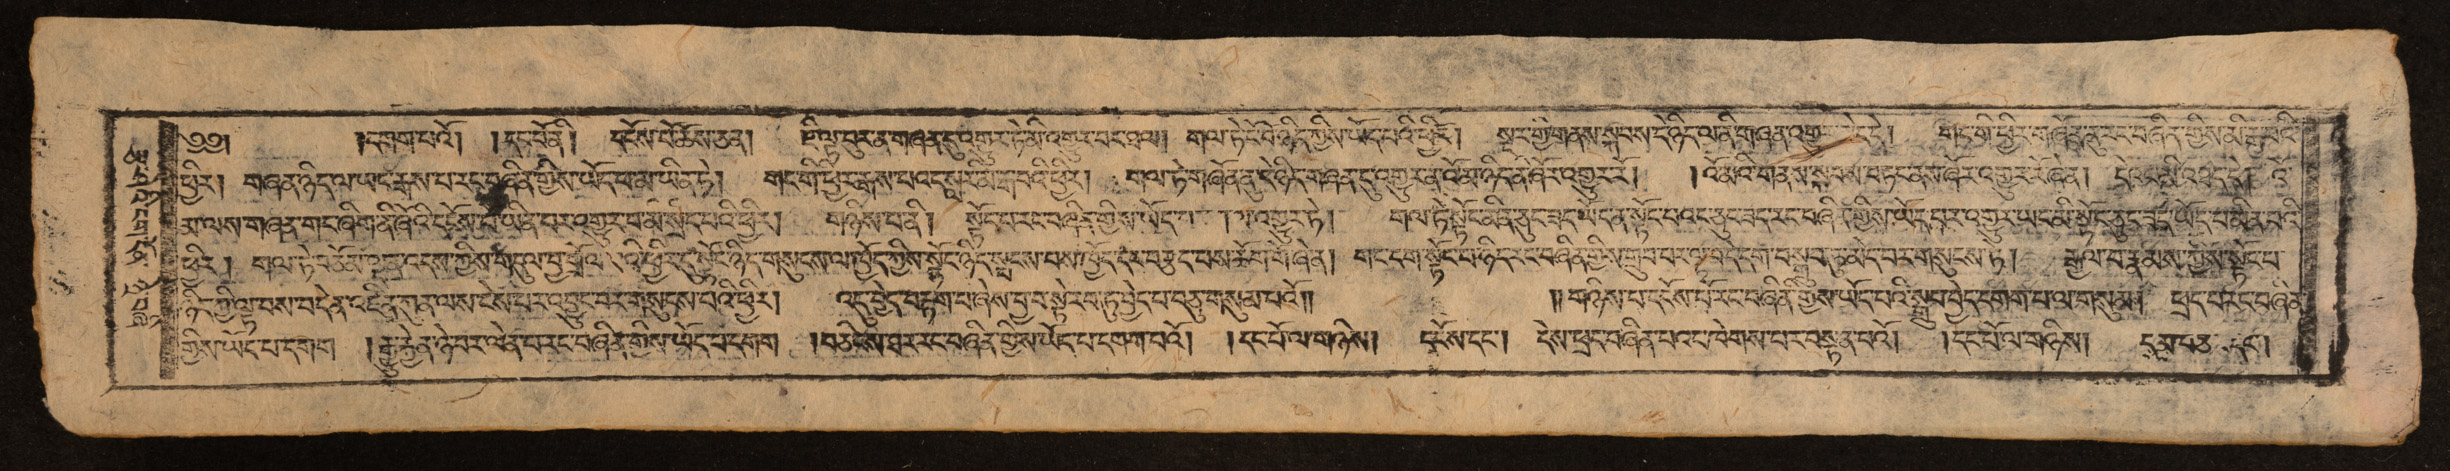༄༅། །དགག་པའོ། །དང་པོ་ནི། དངོས་པོ་ཆོས་ཅན། ཇི་ལྟ་བུར་ན་གཞན་དུ་འགྱུར་ཏེ་མི་འགྱུར་བར་ཐལ། གལ་ཏེ་ངོ་བོ་ཉིད་ཀྱིས་ཡོད་པའི་ཕྱིར། སྔར་གྱི་གནས་སྐབས་དེ་ཉིད་ལ་ནི་གཞན་འགྱུར་མེད་དེ། གང་གི་ཕྱིར་གཞོན་ནུ་རང་བཞིན་གྱིས་མི་རྒ་བའི་
ཕྱིར། གཞན་ཉིད་ལ་ཡང་རྒས་པ་རང་བཞིན་གྱིས་ཡོད་པ་མ་ཡིན་ཏེ། གང་གི་ཕྱིར་རྒས་པའང་སླར་མི་རྒ་བའི་ཕྱིར། གལ་ཏེ་གཞོན་ནུ་དེ་ཉིད་གཞན་དུ་འགྱུར་ན་འོ་མ་ཉིད་ནི་ཞོར་འགྱུར་རོ། །འོ་མའི་གནས་སྐབས་བཏང་ནས་ཞོར་འགྱུར་རོ་ཞེ་ན། དེའང་མི་འཐད་དེ། འོ་
མ་ལས་གཞན་གང་ཞིག་ནི་ཞོའི་དངོས་པོ་ཡིན་པར་འགྱུར་བ་མི་སྲིད་པའི་ཕྱིར། གཉིས་པ་ནི། སྟོང་པ་རང་བཞིན་གྱིས་ཡོད་པར་ག་ལ་འགྱུར་ཏེ། གལ་ཏེ་སྟོང་མིན་ཅུང་ཟད་ཡོད་ན་སྟོང་པའང་ཅུང་ཟད་རང་བཞིན་གྱིས་ཡོད་པར་འགྱུར་ཡང་མི་སྟོང་ཅུང་ཟད་ཡོད་པ་མིན་པའི་
ཕྱིར། གལ་ཏེ་བཅོམ་ལྡན་འདས་ཀྱིས་གདུལ་བྱ་གྲོལ་བའི་ཕྱིར་དུ་སྟོང་ཉིད་གསུངས་ལ་ཁྱོད་ཀྱིས་སྟོང་ཉིད་སྤངས་པས་ཁྱོད་དང་བརྩང་པས་ཆོག་གོ་ཞེ་ན། གང་དག་སྟོང་པ་ཉིད་རང་བཞིན་གྱིས་གྲུབ་པར་ལྟ་བ་དེ་དག་བསྒྲུབ་ཏུ་མེད་པར་གསུངས་ཏེ། རྒྱལ་བ་རྣམས་ཀྱིས་སྟོང་པ་
ཉིད་ཀྱི་ལྟ་བས་བདེན་འཇིན་ཀུན་ལས་ངེས་པར་འབྱུང་བར་གསུངས་པའི་ཕྱིར། འདུ་བྱེད་བརྟག་པ་ཞེས་བྱ་བ་སྟེ་རབ་ཏུ་བྱེད་པ་བཅུ་གསུམ་པའོ།། །།གཉིས་པ་དངོས་པོ་རང་བཞིན་གྱིས་ཡོད་པའི་སྒྲུབ་བྱེད་དགག་པ་ལ་གསུམ། ཕྲད་པ་རང་བཞིན་
གྱིས་ཡོད་པ་དགག །རྒྱུ་རྐྱེན་ཉེ་བར་ལེན་པ་རང་བཞིན་གྱིས་ཡོད་པ་དགག །བཅིངས་ཐར་རང་བཞིན་གྱིས་ཡོད་པ་དགག་པའོ། །དང་པོ་ལ་གཉིས། དངོས་དང་། དེས་ཕྲང་བཞིན་པའང་ཁེགས་པར་བསྟན་པའོ། །དང་པོ་ལ་གཉིས། དམ་བཅའ་དང་།